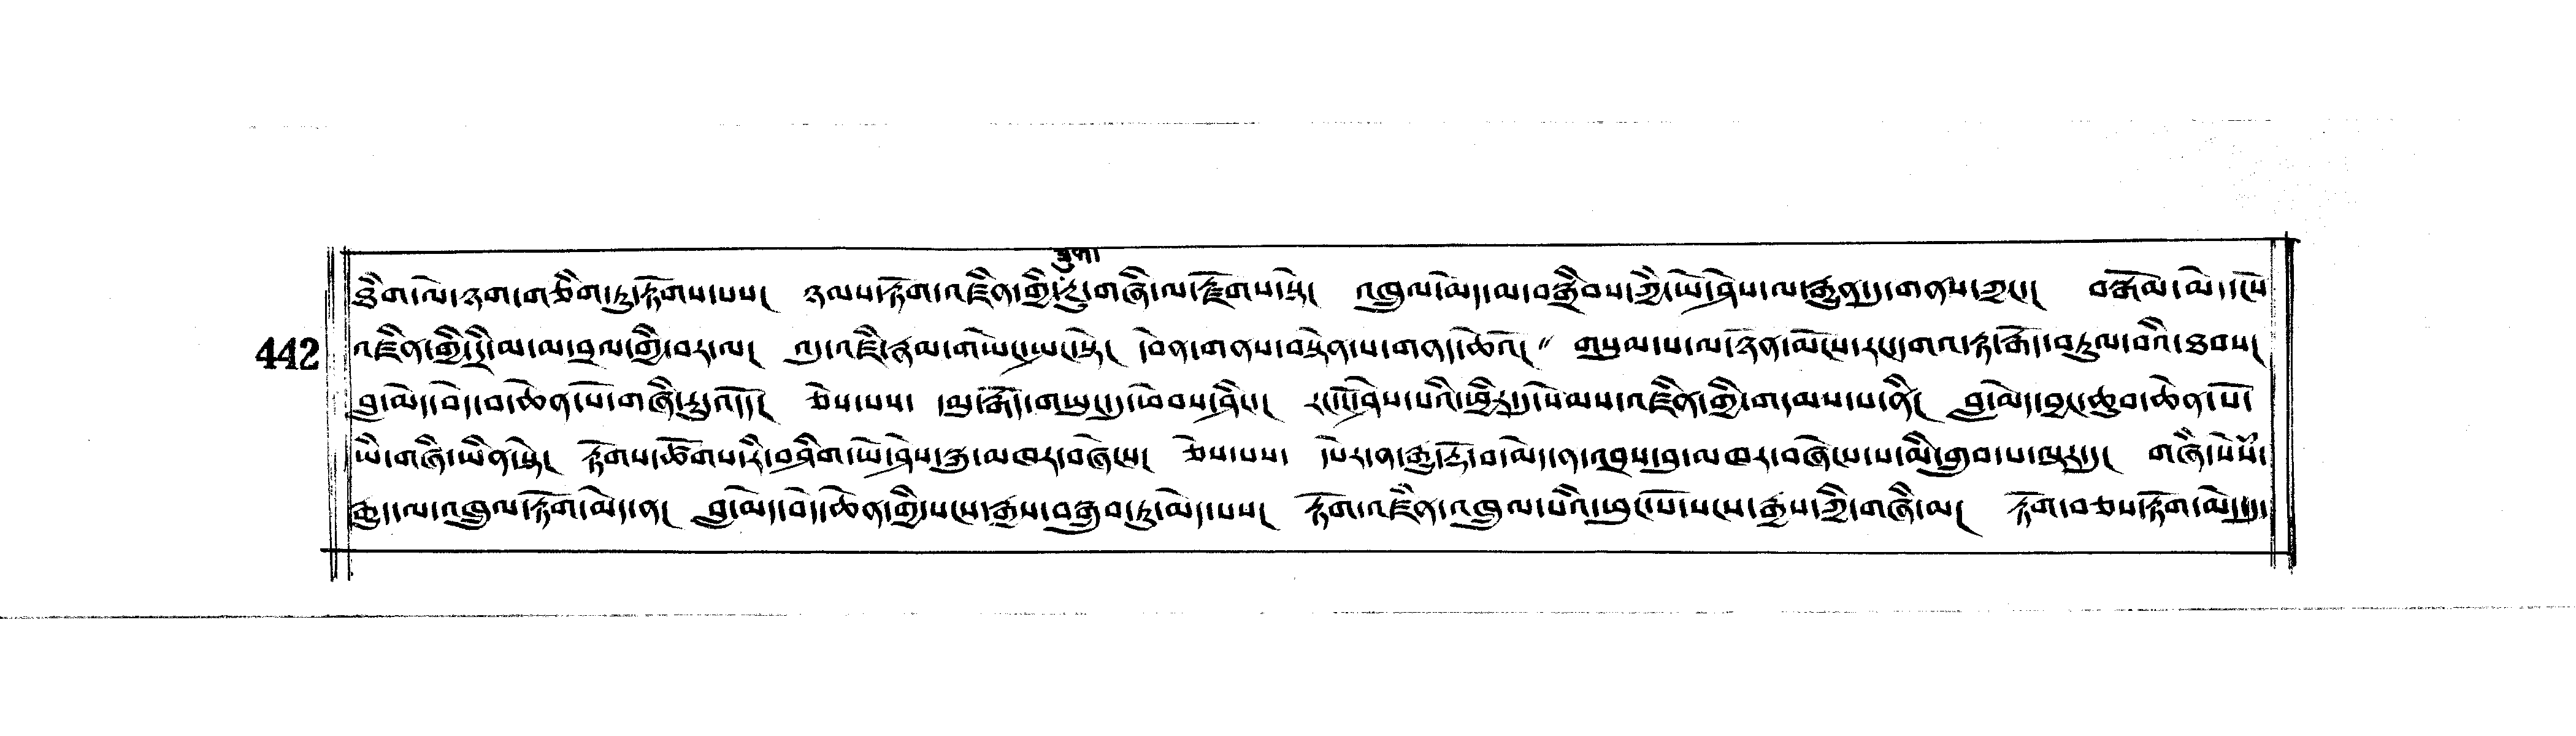ཐིག་ལེ་ཉག་གཅིག་ཏུ་རྟོགས་པས། ཉམས་རྟོག་འཛིན་གྱི་ཟུག་རྔུ་གཞི་ལ་རྫོགས་ཏེ། འཁྲུལ་མེད་མ་བསྒྲིབ་ཀྱི་ཡེ་ཤེས་ལ་རྒྱུན་དུ་གནས་ཀྱང་། སྒོམ་མེད་དངོས་
འཛིན་གྱི་དྲི་མ་མ་བྲལ་གྱི་བར་ལ། འདུ་འཛི་རྣམ་གཡེང་སྤངས་ཏེ། དབེན་གནས་བསྟེན་པ་གནད་ཆེའོ། གསུམ་པ་ལ་ཉོན་མོངས་རང་དགའ་རྟ་རྒོད་བཏུལ་བའི་ཐབས། 
བླ་མེད་བདེ་བ་ཆེན་པོ་གཞི་རུ་འདོད། ཅེས་པས། དམུ་རྒོད་གཡུང་དུ་ཕེབས་ཤིང་། རང་ངོ་ཤེས་པའི་ཕྱིར་དུ་སེམས་འཛིན་གྱི་གདམས་པ་ནི། བླ་མེད་བྱང་ཆུབ་ཆེན་པོ་
ཡི་གཞི་ཡིན་ཏེ། རྟོག་ཚོགས་རི་བཤིགས་ཡེ་ཤེས་སྐུ་མཁར་བཞེངས། ཅེས་པས། རྒྱུ་རྡོ་བ་མེད་ན་འབྲས་བུ་མཁར་བཞེངས་པ་མི་འགྲུབ་པ་ལྟར་དུ། གཞི་སེམས་
རྒྱུད་ལ་འཁྲུལ་རྟོག་མེད་ན། བླ་མེད་བདེ་ཆེན་གྱི་སངས་རྒྱས་བསྒྲུབ་ཏུ་མེད་པས། རྟོག་འཛིན་འཁྲུལ་པའི་ཕུང་པོ་སངས་རྒྱས་ཀྱི་གཞི་མ། རྟོག་བཅས་རྟོག་མེད་དུ་